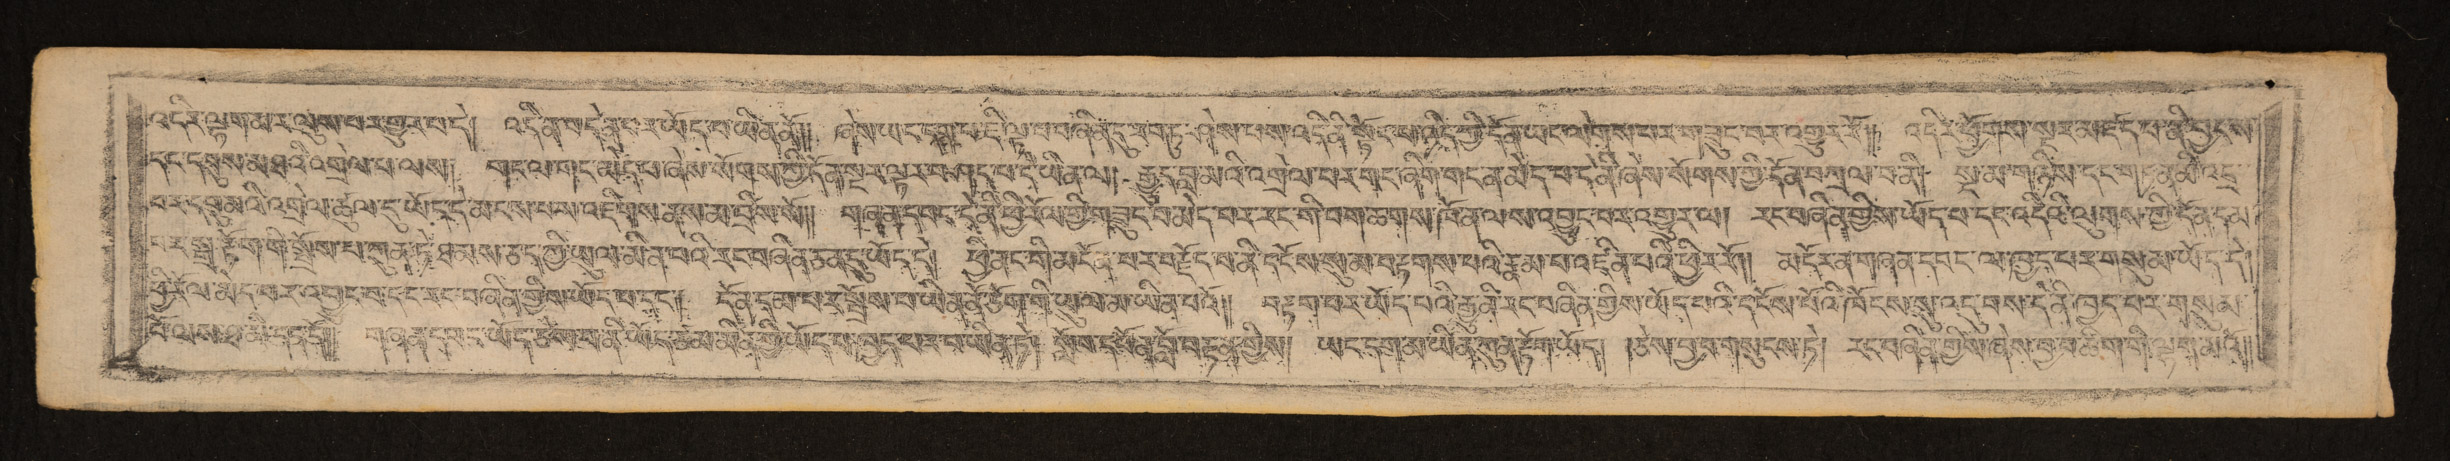འདིར་ལྷག་མར་ལུས་པར་གྱུར་པ་དེ། འདི་ན་བདེན་པར་ཡོད་པ་ཡིན་ནོ།། ཞེས་ཡང་དག་པ་ཇི་ལྟ་བ་བཞིན་དུ་རབ་ཏུ་ཤེས་པས་འདི་ནི་སྟོང་པ་ཉིད་ཀྱི་དོན་ཡང་ལེགས་པར་གཟུང་བར་འགྱུར་རོ།། འདིར་ཕྱོགས་སྔར་མཛད་པ་ནི་བྱང་ས་
དང་དབུས་མཐའི་འགྲེལ་པ་ལས། གང་ལ་གང་མེད་པ་ཞེས་སོགས་ཀྱི་དོན་སྔར་ལྟར་བཤད་པ་དེ་ཡིན་ལ། རྒྱུད་བླ་མའི་འགྲེལ་པར་གང་ཞིག་གང་ན་མེད་པ་དེ་ནི་ཞེས་སོགས་ཀྱི་དོན་བཀྲལ་བ་ནི། སྔ་མ་གཉིས་དང་གཏན་མི་འདྲ་
བར་དབུ་མའི་འགྲེལ་ཚུལ་དུ་ཡོད་དེ་མངས་པས་འཇིགས་ནས་མ་བྲིས་སོ།། གཞན་དབང་དེ་ནི་ཕྱི་རོལ་གྱི་གཟུང་བ་མེད་པར་རང་གི་བག་ཆགས་ཁོ་ན་ལས་འབྱུང་བར་འགྱུར་ལ། རང་བཞིན་གྱིས་ཡོད་པ་དང་འདིའི་ལུགས་ཀྱི་དོན་དམ་
པར་སྒྲ་རྟོག་གི་སྤྲོས་པ་ཀུན་ཏེ་ཐམས་ཅད་ཀྱི་ཡུལ་མིན་པའི་རང་བཞིན་ཅན་དུ་ཡོད་དེ། ཕྱི་ནང་གི་མངོན་པར་བརྗོད་པ་ནི་དངོས་སུ་མ་བརྟགས་པའི་རྣམ་པ་འཛིན་པའི་ཕྱིར་རོ།། མདོར་ན་གཞན་དབང་ལ་ཁྱད་པར་གསུམ་ཡོད་དེ།
ཕྱི་རོལ་མེད་པར་འབྱུང་བ་དང་རང་བཞིན་གྱིས་ཡོད་པ་དང་། དོན་དམ་པར་སྤྲོས་པ་ཡིན་ནོ་ཅོག་གི་ཡུལ་མ་ཡིན་པའོ།། བརྟག་པར་ཡོད་པའི་རྒྱུ་ནི་རང་བཞིན་གྱིས་ཡོད་པའི་དངོས་པོའི་ཁོངས་སུ་འདུ་བས་དེ་ནི་ཁྱད་པར་གསུམ་
པོ་ལས་ཐ་མི་དད་དོ།། གཞན་དབང་ཡོད་ཅེས་པ་ནི་ཡོད་ཙམ་མིན་གྱི་ཡོད་པ་ཁྱད་པར་བ་ཡིན་ཏེ། སློབ་དཔོན་བློ་བརྟན་གྱིས། ཡང་དག་མ་ཡིན་ཀུན་རྟོག་ཡོད། །ཅེས་བྱ་བ་གསུངས་ཏེ། རང་བཞིན་གྱིས་ཞེས་བྱ་བ་ཚིག་གི་ལྷག་མའོ།།